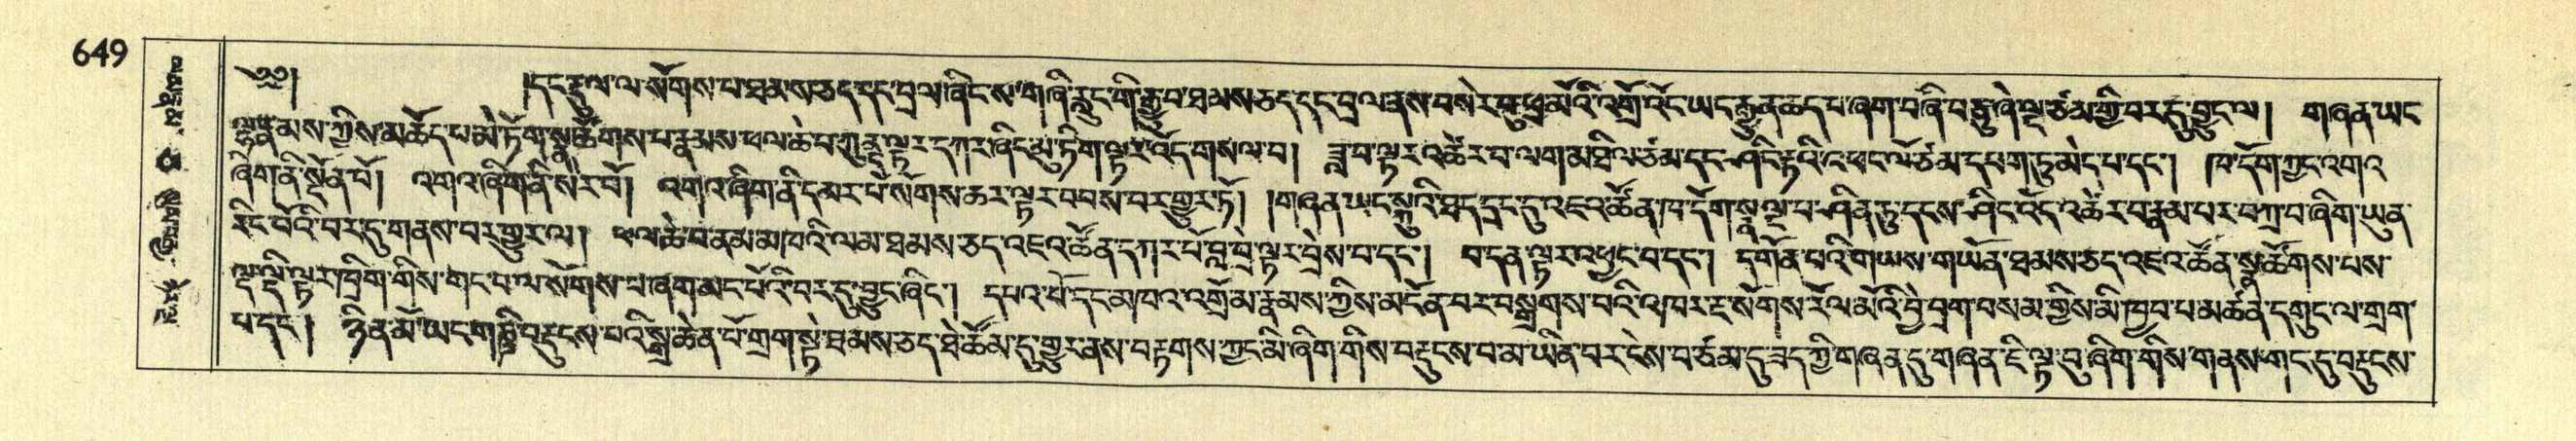༄༅། །དང་རྡུལ་ལ་སོགས་པ་ཐམས་ཅད་དང་བྲལ་ཞིང་ས་གཞི་རླུང་གི་རྒྱུ་བ་ཐམས་ཅད་དང་བྲལ་ནས་བསེར་བུ་ཕྲ་མོའི་འགྲོ་འོང་ཡང་རྒྱུན་ཆད་པ་ཞག་བཞི་བཅུ་ཞེ་ལྔ་ཙམ་གྱི་བར་དུ་བྱུང་ལ། གཞན་ཡང་
ལྷ་རྣམས་ཀྱིས་མཆོད་པ་མེ་ཏོག་སྣ་ཚོགས་པ་རྣམས་ཕལ་ཆེ་བ་ཀུནྡ་ལྟར་དཀར་ཞིང་མུ་ཏིག་ལྟར་འོད་གསལ་བ། ཟླ་བ་ལྟར་འཚེར་བ་ལག་མཐིལ་ཙམ་དང་ཤིང་རྟའི་འཕང་ལོ་ཙམ་དཔག་ཏུ་མེད་པ་དང་། ཁ་དོག་ཀྱང་འགའ་
ཞིག་ནི་སྔོན་པོ། འགའ་ཞིག་ནི་སེར་པོ། འགའ་ཞིག་ནི་དམར་པོ་སོགས་ཆར་ལྟར་བབས་བར་གྱུར་ཏོ། །གཞན་ཡང་སྐུའི་ཐད་དྲང་དུ་འཇའ་ཚོན་ཁ་དོག་སྣ་ལྔ་པ་ཤིན་ཏུ་དངས་ཤིང་འོད་འཚེར་བ་རྣམ་པར་བཀྲ་བ་ཞིག་ཡུན་
རིང་བོའི་བར་དུ་གནས་པར་གྱུར་ལ། ཕལ་ཆེ་བ་ནམ་མཁའི་ལམ་ཐམས་ཅད་འཇའ་ཚོན་དཀར་པོ་བླ་བྲེ་ལྟར་བྲེས་པ་དང་། བ་དན་ལྟར་འཕྱང་བ་དང་། དགོན་པའི་གཡས་གཡོན་ཐམས་ཅད་འཇའ་ཚོན་སྣ་ཚོགས་པས་
ལྡ་ལྡི་ལྟར་ཁྲིག་གིས་གང་བ་ལ་སོགས་པ་ཞག་མང་པོའི་བར་དུ་བྱུང་ཞིང་། དཔའ་པོ་དང་མཁའ་འགྲོ་མ་རྣམས་ཀྱིས་མངོན་པར་བསྒྲགས་པའི་འཁར་རྔ་སོགས་རོལ་མོའི་བྱེ་བྲག་བསམ་གྱིས་མི་ཁྱབ་པ་མཚན་དགུང་ལ་གྲག་
པ་དང་། ཉིན་མོ་ཡང་གཎྜི་བརྡུངས་པའི་སྒྲ་ཆེན་པོ་གྲག་སྟེ་ཐམས་ཅད་ཐེ་ཚོམ་དུ་གྱུར་ནས་བརྟགས་ཀྱང་མི་ཞིག་གིས་བརྡུངས་པ་མ་ཡིན་བར་ངེས་པ་ཙམ་དུ་ཟད་ཀྱི་གཞན་དུ་གཞན་ཇི་ལྟ་བུ་ཞིག་གིས་གནས་གང་དུ་བརྡུངས་